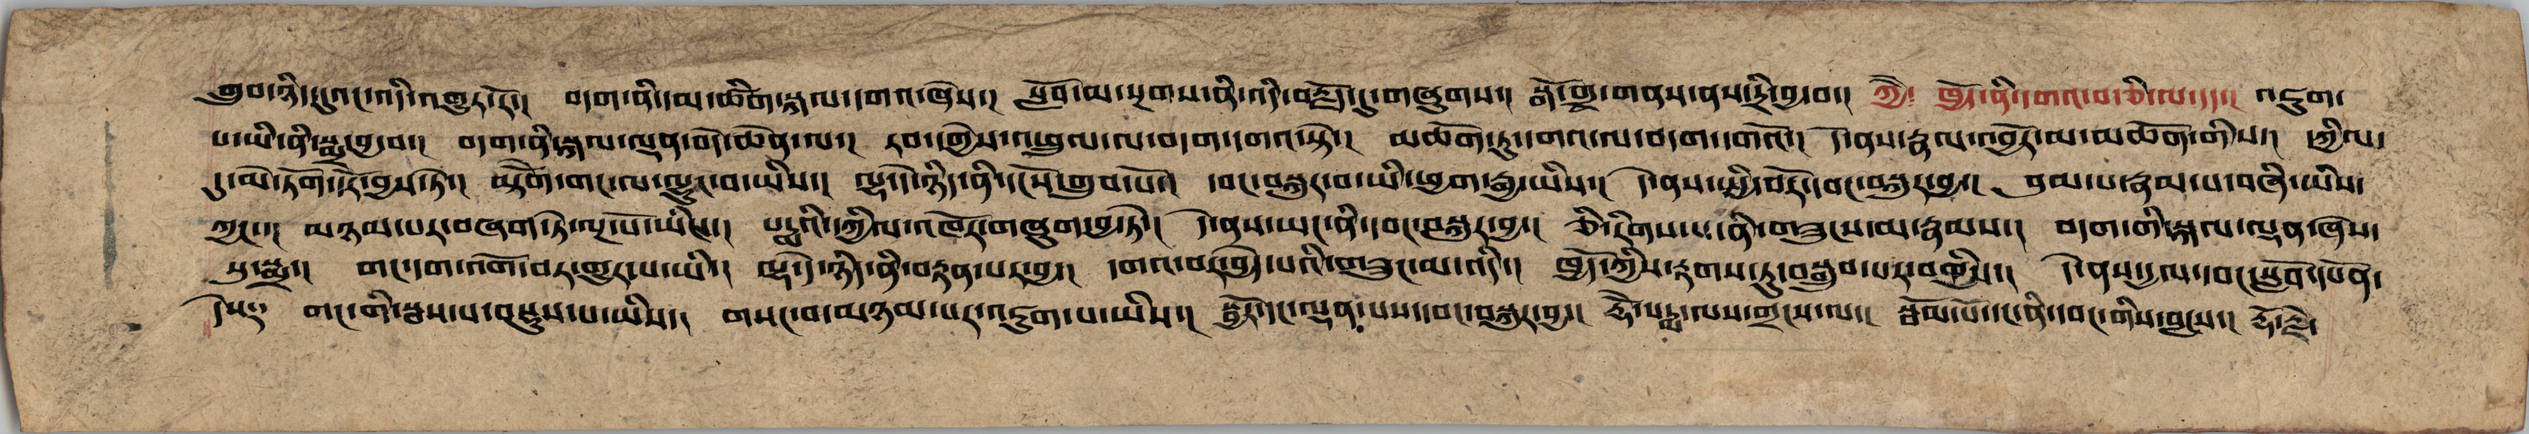གྲུབ་ཉིད་དུའང་འདི་འགྱུར་རོ་། བདག་ནི་དམ་ཚིག་སྐལ་དགའ་ཞེས་། སློབ་མ་སྔགས་ནི་འདི་བརྗོད་དུ་གཞུགས་། སྒོ་གྲྭ་གནས་ནས་དྲི་བྱ་བ་། ཀྱཻ་ ཁྱོད་ནི་དགའ་བ་ཅི་ལ་དད་། འཇུག་
པ་ཡི་ནི་སྨྲ་བྱ་བ་། བདག་ནི་སྐལ་ལྡན་བདེ་ཆེན་ལ་། རབ་དགྱེས་འཕྲུལ་ལ་བདག་དགའ་སྟེ་། མཆོག་ཏུ་དགའ་ལ་བདག་དགའོ་། དེ་ནས་རྣལ་འབྱོར་མ་མཆོག་གིས་། དཀྱིལ་
དུ་མེ་ཏོག་དོར་བྱས་ཏེ་། མྟེོག་གང་ལ་ལྷུང་བ་ཡིས་། ལྷ་དེ་ཉིད་ནི་དངོས་གྲུབ་པོ་། དབང་བསྐུར་བ་ཡི་ཕྱག་རྒྱ་ཡིས་། དེ་ནས་སྤྱི་བོར་དབང་བསྐུར་བྱ་། བུམ་པ་རྣམ་པ་བཞི་ཡིས་
ཀྱང་་། མཉམ་པར་བཞག་ཏེ་ལྔ་པོ་ཡིས་། པདྨའི་དཀྱིལ་འཁོར་གཞུག་བྱ་ཏེ་། དེ་ནས་ཡང་ནི་དབང་བསྐུར་བྱ་། ཅི་རིགས་པ་ནི་གཟུངས་མ་རྣམས་། བདག་གི་སྐལ་ལྡན་ཞེས་
སུ་སྨྲ་། གང་དག་འགོ་བར་གྱུར་པ་ཡི་། ལྷ་དེ་ཉིད་ནི་བརྟན་པར་བྱ་། དགའ་བར་བྱེད་པའི་གཟུང་མ་འདི་། ཁྱོད་ཀྱིས་རྟགས་ཏུ་བསྒྲུབ་པར་བགྱིས་། དེ་ནས་དྱལ་དབང་སློབ་དཔོན་
དེས༑ གང་གི་སྦས་པ་བསྡུས་པ་ཡིས་། གསང་བ་མཉམ་པར་འཇུག་པ་ཡིས་། སྦྱོར་དང་ལྡན་པས་དབང་བསྐུར་བྱ་། རྡོེ་པདྨ་ལས་གྲངས་ལ་། སྦོམ་པོ་དང་ནི་དབང་གིས་བླངས་། རྡོ་རྗེ་